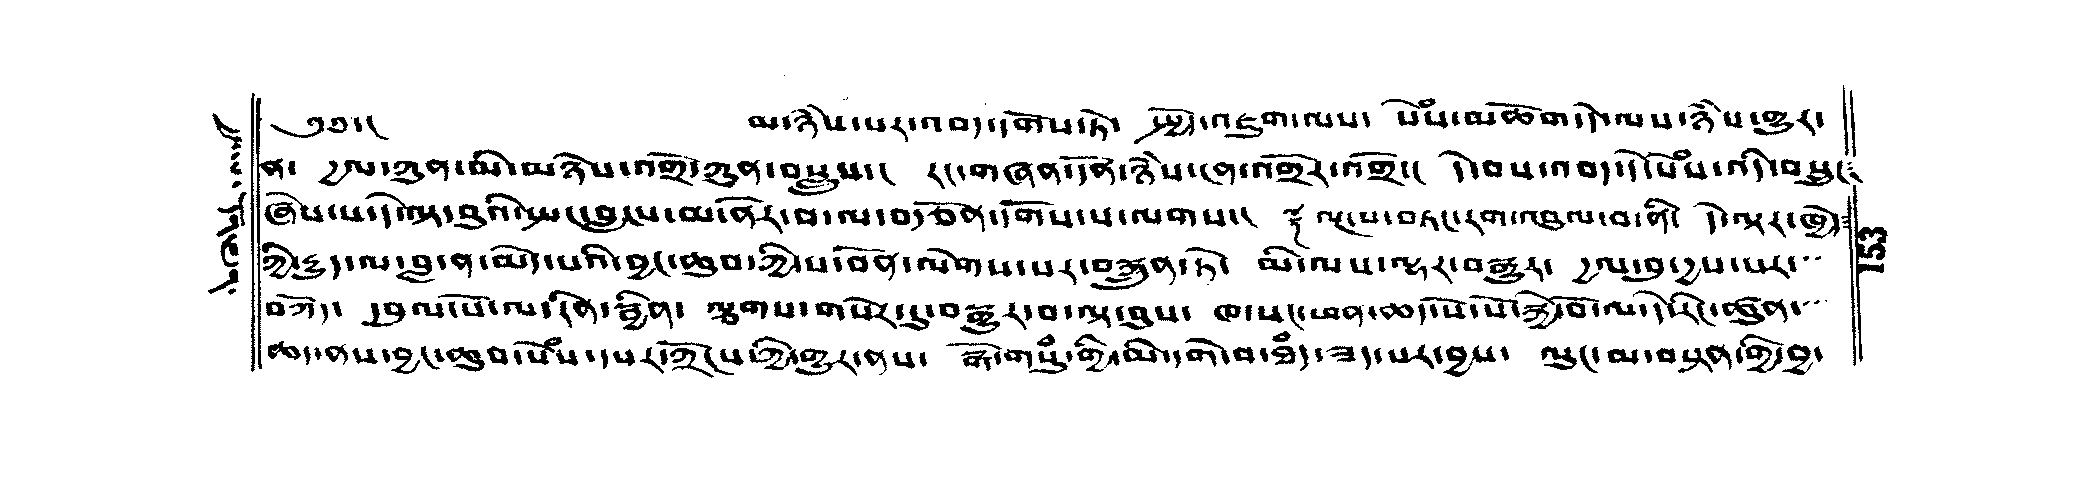མ་ཉམས་པར་འབད་དགོས་ཏེ། སྤྱོད་འཇུག་ལས། སེམས་མཆོག་དེ་ལས་ཉམས་གྱུར་
ན། རྒྱལ་ཀུན་མི་མཉེས་འགྲོ་ཀུན་བསླུས། རང་གཞན་དོན་ཉམས་ངན་འགྲོར་འགྲོ། དེ་བས་འབད་དེ་སེམས་འདི་བསྲུང་
ཞེས་པ་དེ་ལྟ་བུའི་སྤང་བླངས་མ་ནོར་བ་ལ་བརྩོན་དགོས་པ་ལགས། ༈ ལྔ་པ་བཏང་རག་འབུལ་བ་ནི། དེ་ལྟར་ཁྱེད་
ཀྱི་རྒྱུད་ལ་བླ་ན་མེད་པའི་བྱང་ཆུབ་ཀྱི་ས་བོན་ལེགས་པར་བསྐྲུན་ཏེ། མི་ལས་ལྷར་བསྒྱུར། རྒྱལ་བུ་རྒྱས་པར་
བཀོད། དབུལ་པོ་ལ་རིན་སྦྱིན། ལྕགས་གསེར་དུ་བསྒྱུར་བ་ལྟ་བུས། ཁ་སང་ཕན་ཆད་སོ་སོ་སྐྱེ་བོ་ལ་དེ་རིང་ཚུན་
ཆད་ནས་བྱང་ཆུབ་སེམས་དཔར་ཀྲོངས་ཀྱི་གྱུར་ནས། སྒོ་གསུམ་གྱི་མི་དགེ་བ་ཐམས་ཅད་ཟད་པར་བྱས། ལུང་མ་བསྟན་གྱི་བྱ་